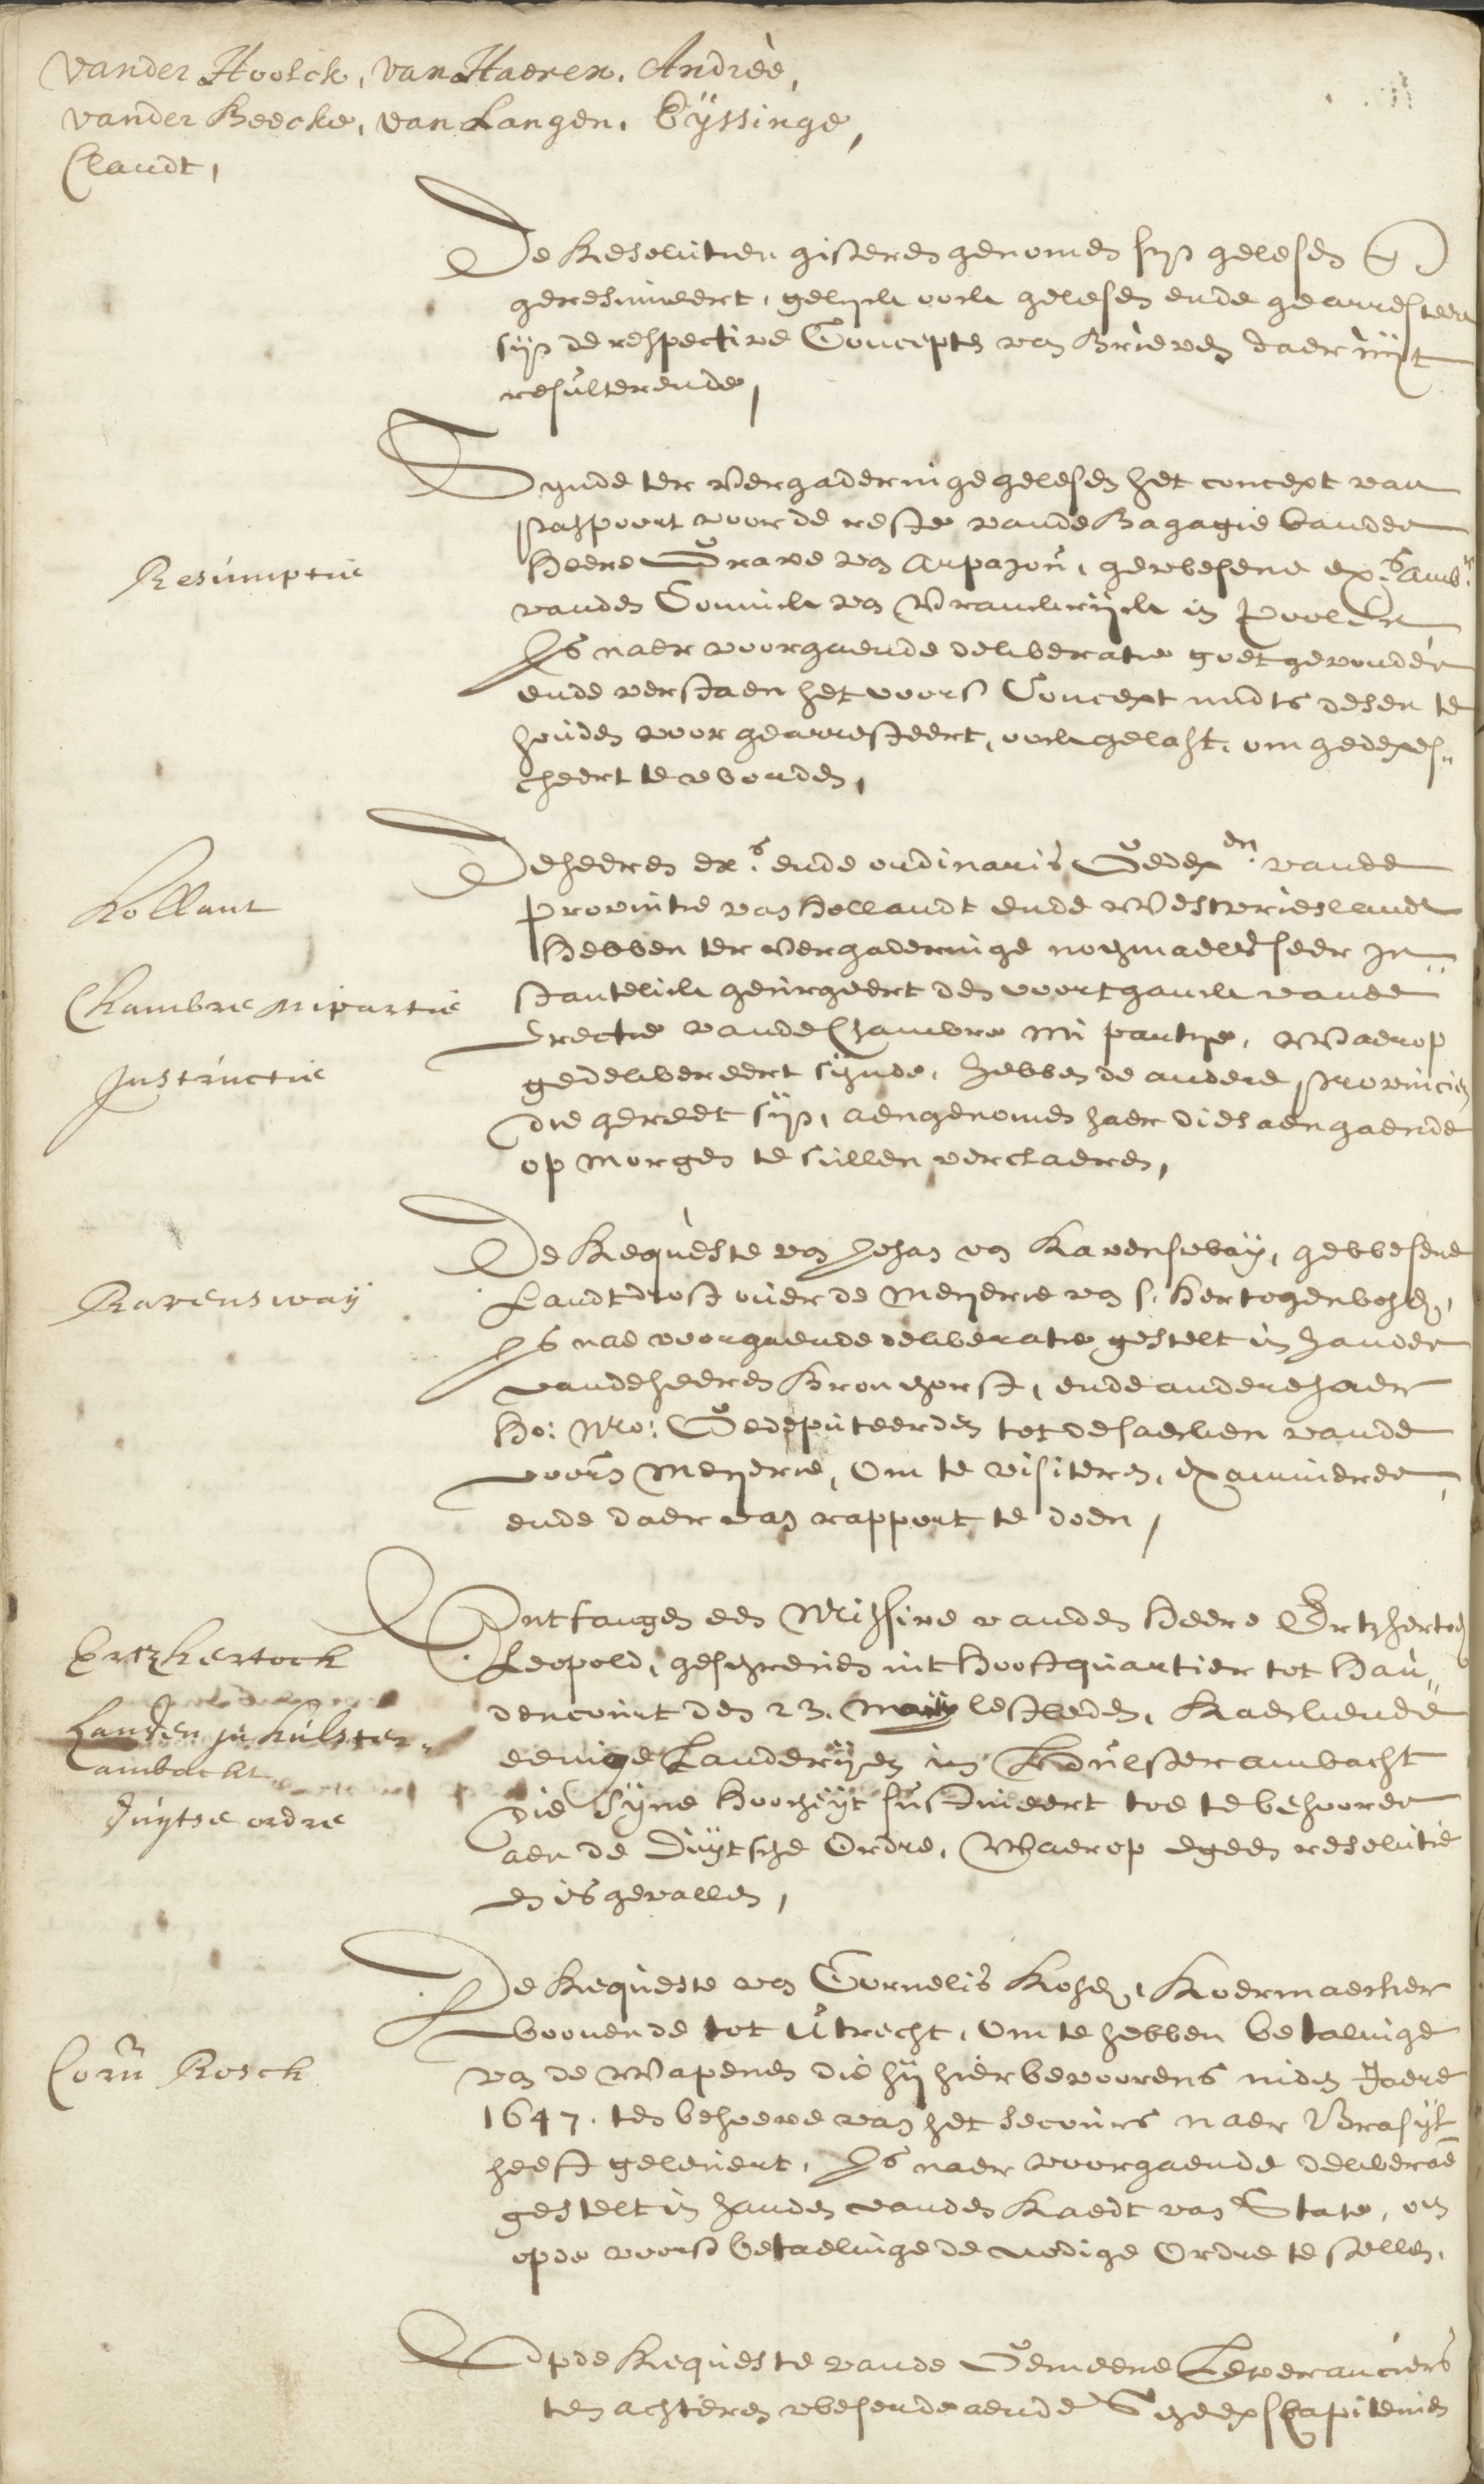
vander Hoolck, van Haeren, Andreè,
vander Beecke, van Langen, Eijssinge,
Clandt.
De Resolutien gisteren genomen syn gelesen &
geresumeert, gelyck oock gelesen ende gearresteert
sijn de respective Concepten van Brieven daer uijt
resulterende.
Resumptie
Synde ter Vergaderinge gelesen het concept van
paspoort voor de reste vande Bagagie vanden
Heere Grave van Arpajou, gewesene exs. ambr.
vanden Coninck van Vranckrijck in Poolen.
Is naer voorgaende deliberatie goetgevonden
ende verstaen het voors Concept midts desen te
houden voor gearresteert, oock gelast, om gedepes„
cheert te worden.
Hollant
Chambre Mipartie
Instructie
De heeren exs. ende ordinaris Gedepen. vande
provintie van Hollandt ende Westvrieslandt
hebben ter Vergaderinge nochmaels seer In„
stantelick geurgeert den voortganck vande
erectie vande Chambre Mi partye. Waerop
gedelibereert sijnde, hebben de andere Provincien
die gereet sijn, aengenomen haer dies aengaende
op morgen te sullen verclaeren.
Ravenswaij.
De Requeste van Johan van Ravenswaij, gewesene
Landtdrost over de meyerie van s‛ Hertogenbosch,
Is nae voorgaende deliberatie gestelt in handen
vande heeren Bronchorst, ende andere haer
Ho:Mo: Gedeputeerden tot de saecken vande
voorn meyerie, om te visiteren, examineren,
ende daer van rapport te doen.
Ertzhertoch
Landen in hulster„
ambacht
Duytse ordre
Ontfangen een Missive vanden Heere Ertzhertoch
Leopold, geschreven int Hooftquartier tot Hau„
dencourt den 23. martij lestleden, Raeckende
eenige Landerijen in Hulsterambacht
die Sijne Hoocheijt sustineert toe te behooren
aen de Duijtsche Ordre. Waerop egeen resolutie
en is gevallen.
Corn Rosch
De Requeste van Cornelis Rosch, Roermaecker
woonende tot Utrecht, om te hebben betalinge
van de wapenen die hij hier bevoorens inden Jaere
1647. ten behoeve van het secours naer Brasijl
heeft gelevert, Is naer voorgaende deliberae
gestelt in handen vanden Raedt van State, om
opde voors betaelinge de nodige Ordre te stellen.
Opde Requeste vande Gemeene Leveranciers
ten achteren wesende aende Scheepscapiteinen
